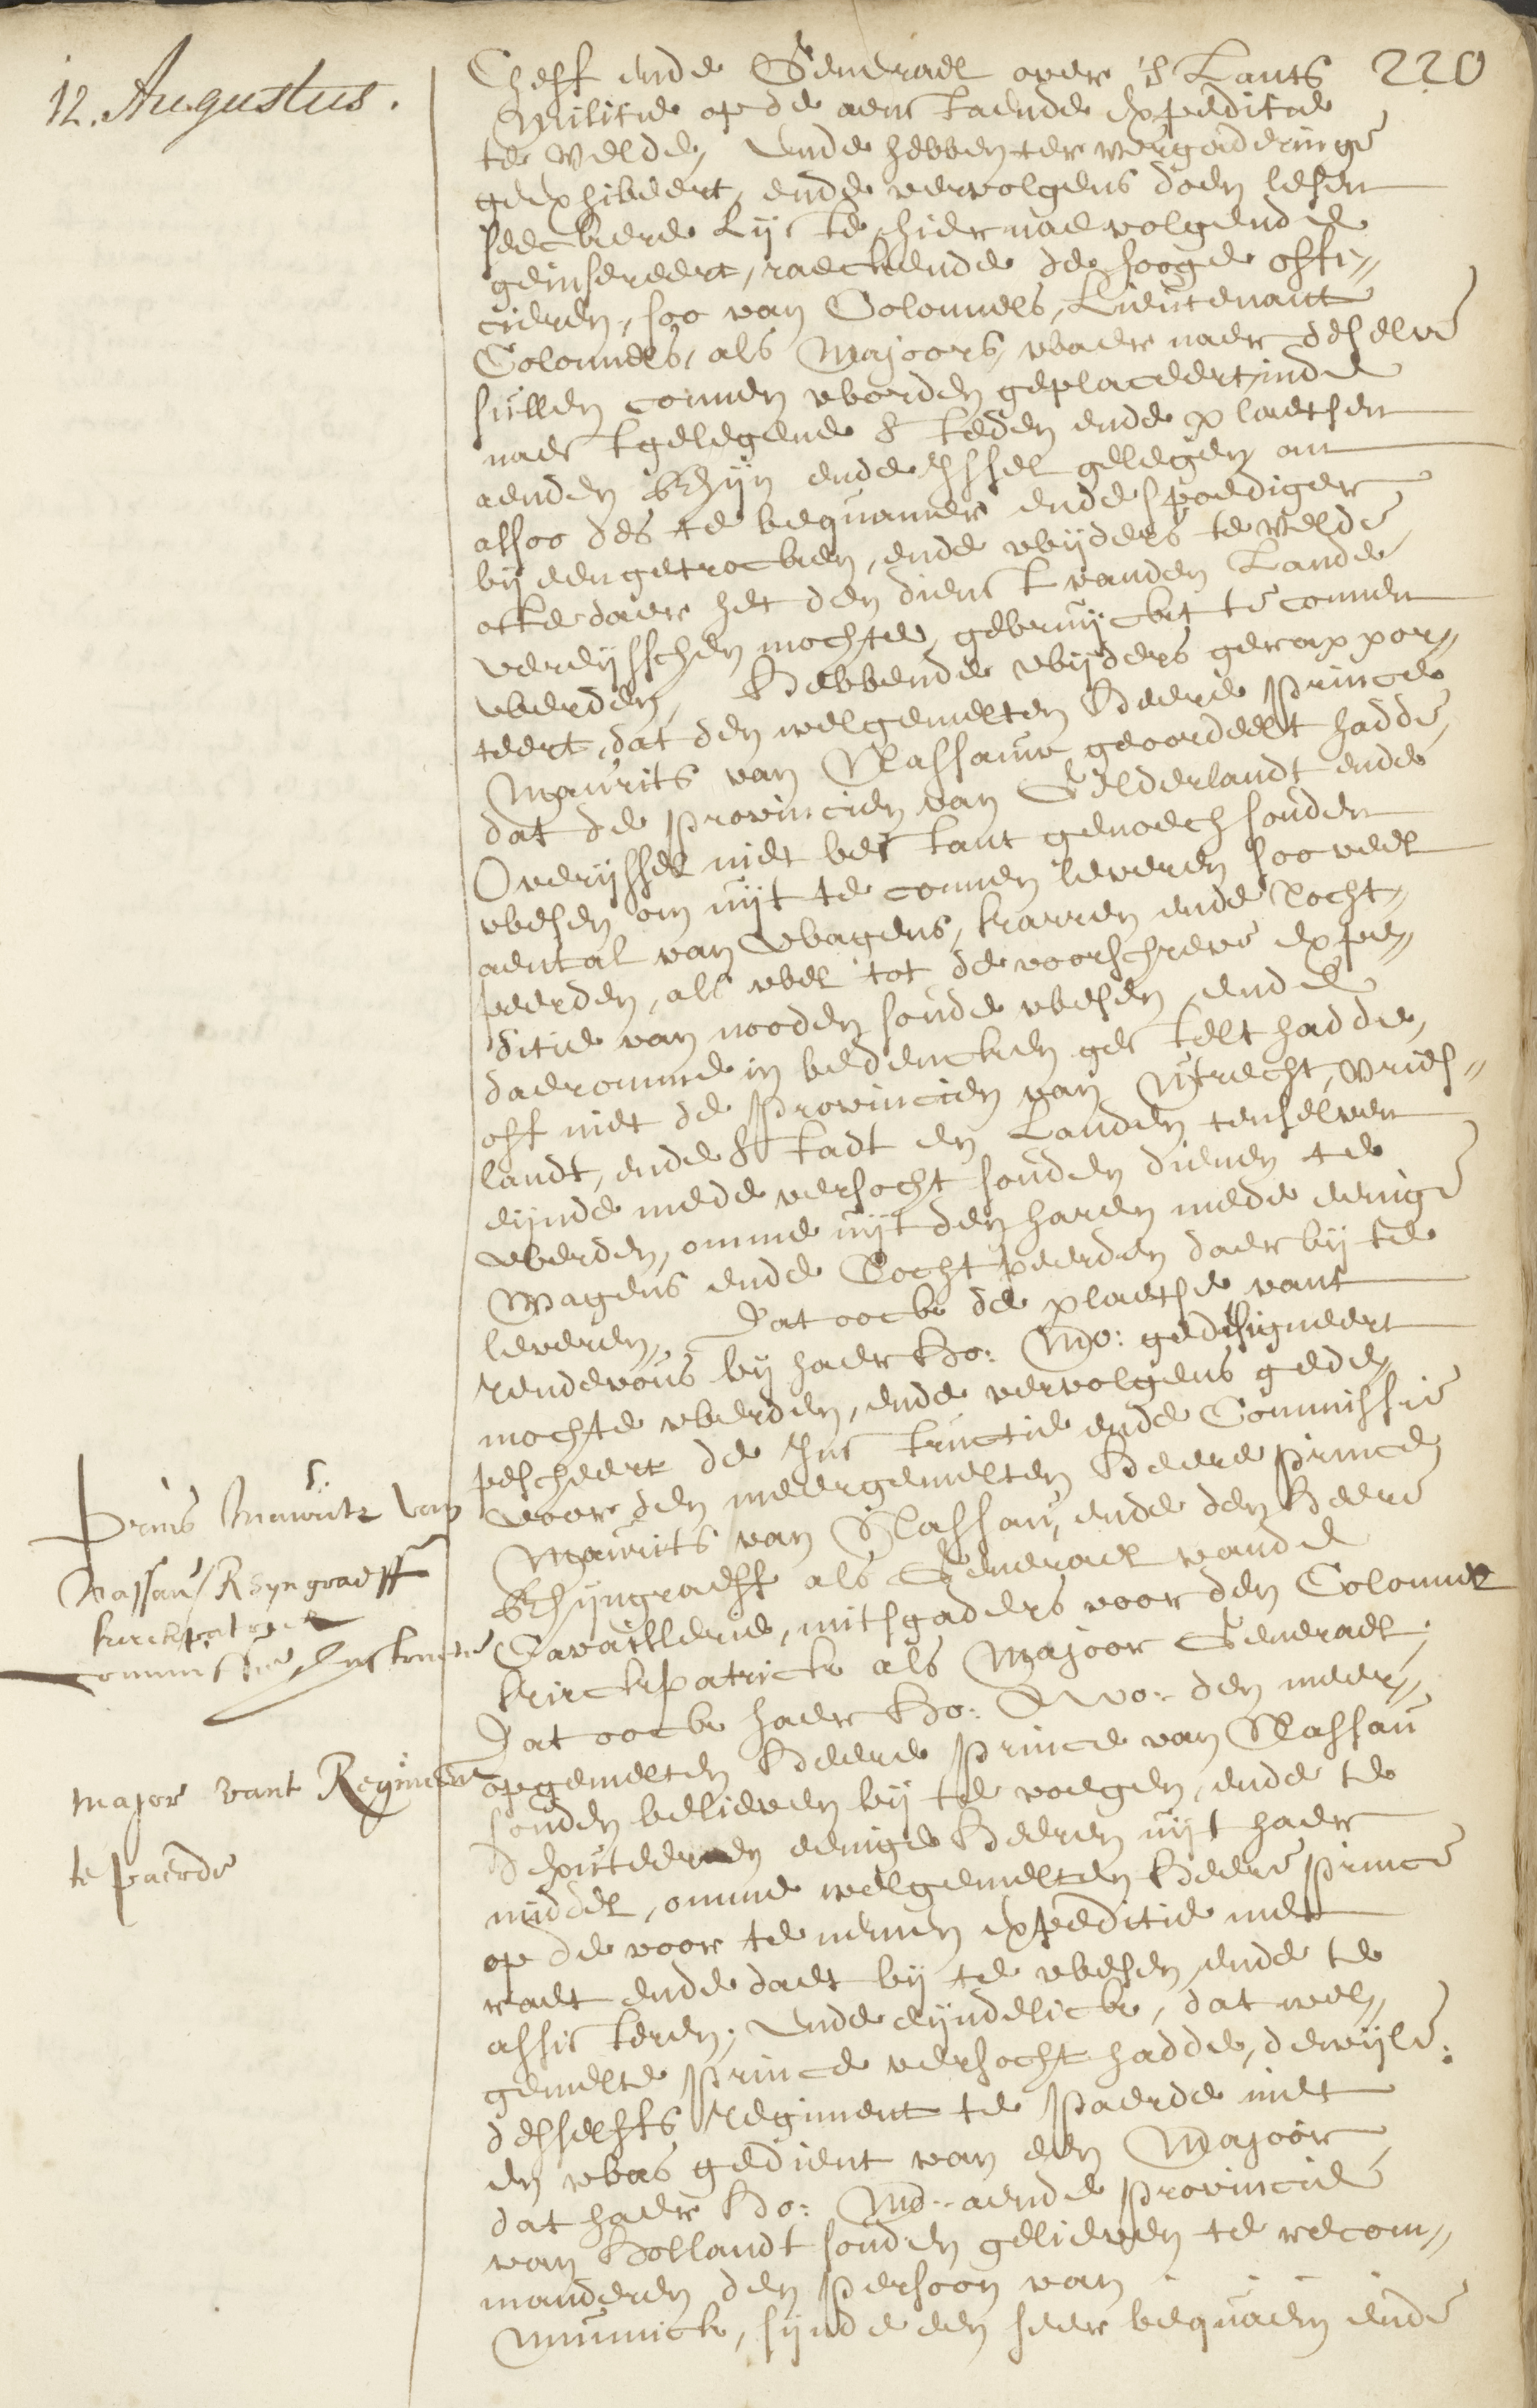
220.
12. Augustus.
Prins Mauritz van
Nassau, Rhyngaeff
kirckpatrick
commissie, Instructie.
Major vant Regment
te Paerde
Cheff ende Generael over ‛s Lants
Militie opde aenstaende expeditie
te Velde. Ende hebben ter vergaderinge
geexhibeert, ende vervolgens doen lesen
seeckere Lijste hier nae volgende
geinsereert, raeckende de hooge offi„
cieren, soo van Colonnels, Lieutenant
Colonnels, als Majoors, waer naer deselve
sullen connen worden geplaceert inde
naestgelegene Steden ende plaetsen
aenden Rhijn ende Issel gelegen om
alsoo des te bequamer ende spoediger
bij een getrocken, ende wijders te velde
ofte daer het den dienst vanden Lande
vereijsschen mochte gebruijckt te connen
werden, hebbende wijders gerappor„
teert, dat den welgemelten Heere Prince
Maurits van Nassauw geoordeelt hadde,
dat de Provincien van Gelderlandt ende
Overijssel niet bestant genoech souden
wesen om uijt te connen leveren soo veel
aental van Wagens, karren ende Tocht„
peerden, als wel tot de voorschreve expe„
ditie van nooden soude wesen, ende
daeromme in bedencken gestelt hadde,
off niet de Provincien van Utrecht, Vries„
landt, ende Stadt en Landen tenselven
eijnde mede versocht souden dienen te
werden, omme uijt den haren mede eenige
Wagens ende Tochtpeerden daerbij te
leveren, Dat oock de plaetse vant
rendevous bij haer Ho:Mo: gedesigneert
mochte werden, ende vervolgens gede„
pescheert de Instructie ende Commissie
voor den meergemelten Heere Prince
Maurits van Nassau, ende den Heere
Rhijngraeff als Generael vande
Cavaillerie, mitsgaders voor den Colonnel
Kirckpatrick als Majoor Generael;
Dat oock haer Ho:Mo: den meer„
opgemelten Heere Prince van Nassau
souden believen bij te voegen, ende te
deputeeren eenige Heeren uijt haer
middel, omme welgemelten Heere Prince
op de voor te nemen expeditie met
raet ende daet bij te wesen, ende te
assisteren; ende eijndelick, dat wel„
gemelte Prince versocht hadde, dewijle
desselffs regiment te Paerde niet
en was gedient van een Majoor
dat haer Ho:Mo: aende Provincie
van Hollandt souden gelieven te recom„
manderen den persoon van - - -
Muninck, sijnde een seer bequaem ende
